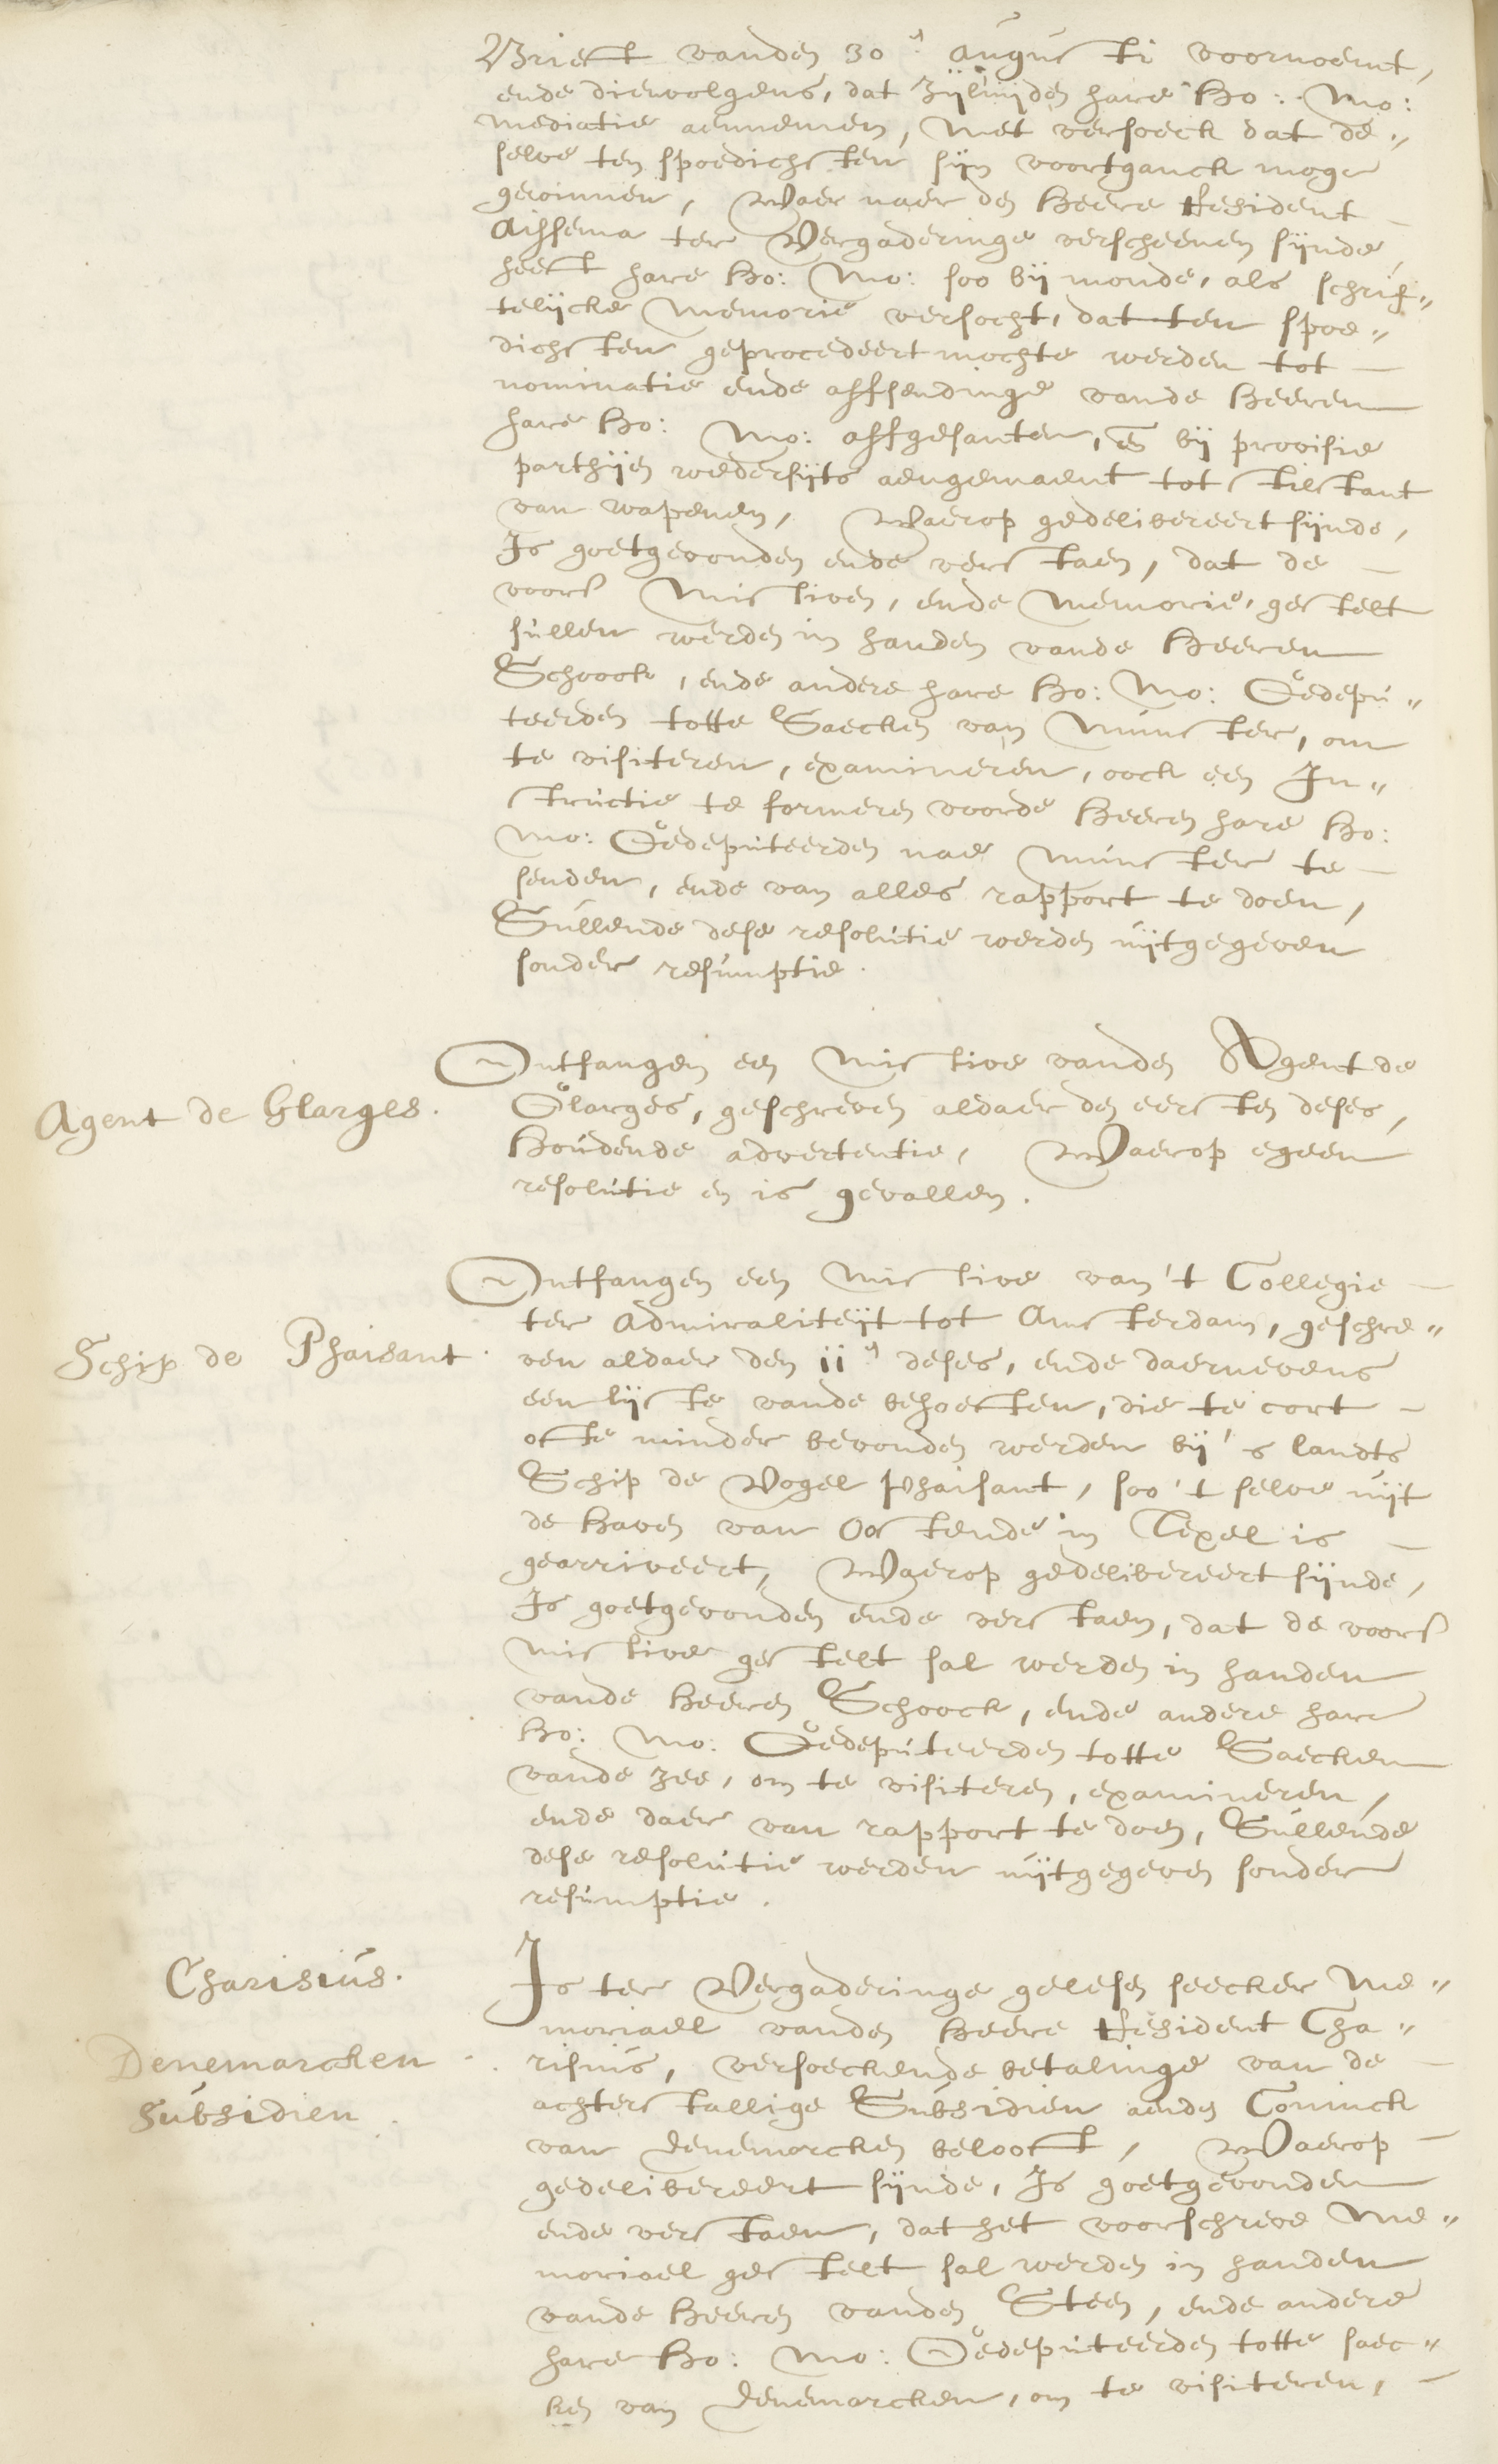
Brieff vanden 30e augusti voornoemt,
ende dienvolgens, dat zijluijden hare Ho:Mo:
mediatie aennemen, met versoeck dat de„
selve ten spoedichsten sijn voortganck moge
gewinnen. Waer naer den heere Resident
Aissema ter Vergaderinge verscheenen sijnde,
heeft hare Ho: Mo: soo bij monde, als schrif„
telijcke memorie versocht, dat ten spoe„
dichsten geprocedeert mochte werden tot
nominatie ende affsendinge van de Heeren
hare Ho:Mo: affgesanten, en bij provisie
parthijen wedersijts aengemaent tot stilstant
van wapenen. Waerop gedelibereert sijnde,
is goetgevonden ende verstaen, dat de
voors missive, ende memorie, gestelt
sullen werden in handen vande Heeren
Schoock, ende andere hare Ho:Mo: Gedepu„
teerden totte saecken van Munster, om
te visiteren, examineren, oock een In,,
structie te formeren voorde Heeren hare Ho:
Mo: Gedeputeerden nae Munster te
senden, ende van alles rapport te doen.
Sullende dese resolutie werden uijtgegeven
sonder resumptie.
Agent de Glarges.
Ontfangen een missive vanden Agent de
Glarges, geschreven aldaer den eersten deses
houdende advertentie, waerop egeen
resolutie en is gevallen.
Schip de Phaisant
Ontfangen een missive van 't Collegie
ter Admiraliteijt tot Amsterdam, geschre„
ven aldaer den iien deses, ende daernevens
een lijste vande behoeften, die te cort
ofte minder bevonden werden bij 's landts
Schip de Vogel Phaisant, soo 't selve uijt
de haven van Oostende in Texel is
gearriveert, Waerop gedelibereert sijnde,
is goetgevonden ende verstaen, dat de voors
missive gestelt sal werden in handen
vande heeren Schoock, ende andere hare
Ho:Mo: Gedeputeerden totte saecken
vande zee, om te visiteren, examineren,
ende daer van rapport te doen, sullende
dese resolutie werden uijtgegeven sonder
resumptie.
Charisius
Denemarcken
subsidien
Is ter Vergaderinge gelesen seecker me„
moriael vanden heere Resident Cha„
risius, versoeckende betalinge van de
achterstallige Subsidien aenden Coninck
van Denemarcken belooft, Waerop
gedelibereert sijnde, is goetgevonden
ende verstaen, dat het voorschreve me„
moriael gestelt sal werden in handen
vande heeren vanden Steen, ende andere
hare Ho:Mo: Gedeputeerden totte saec„
ken van Denemarcken, om te visiteren,
